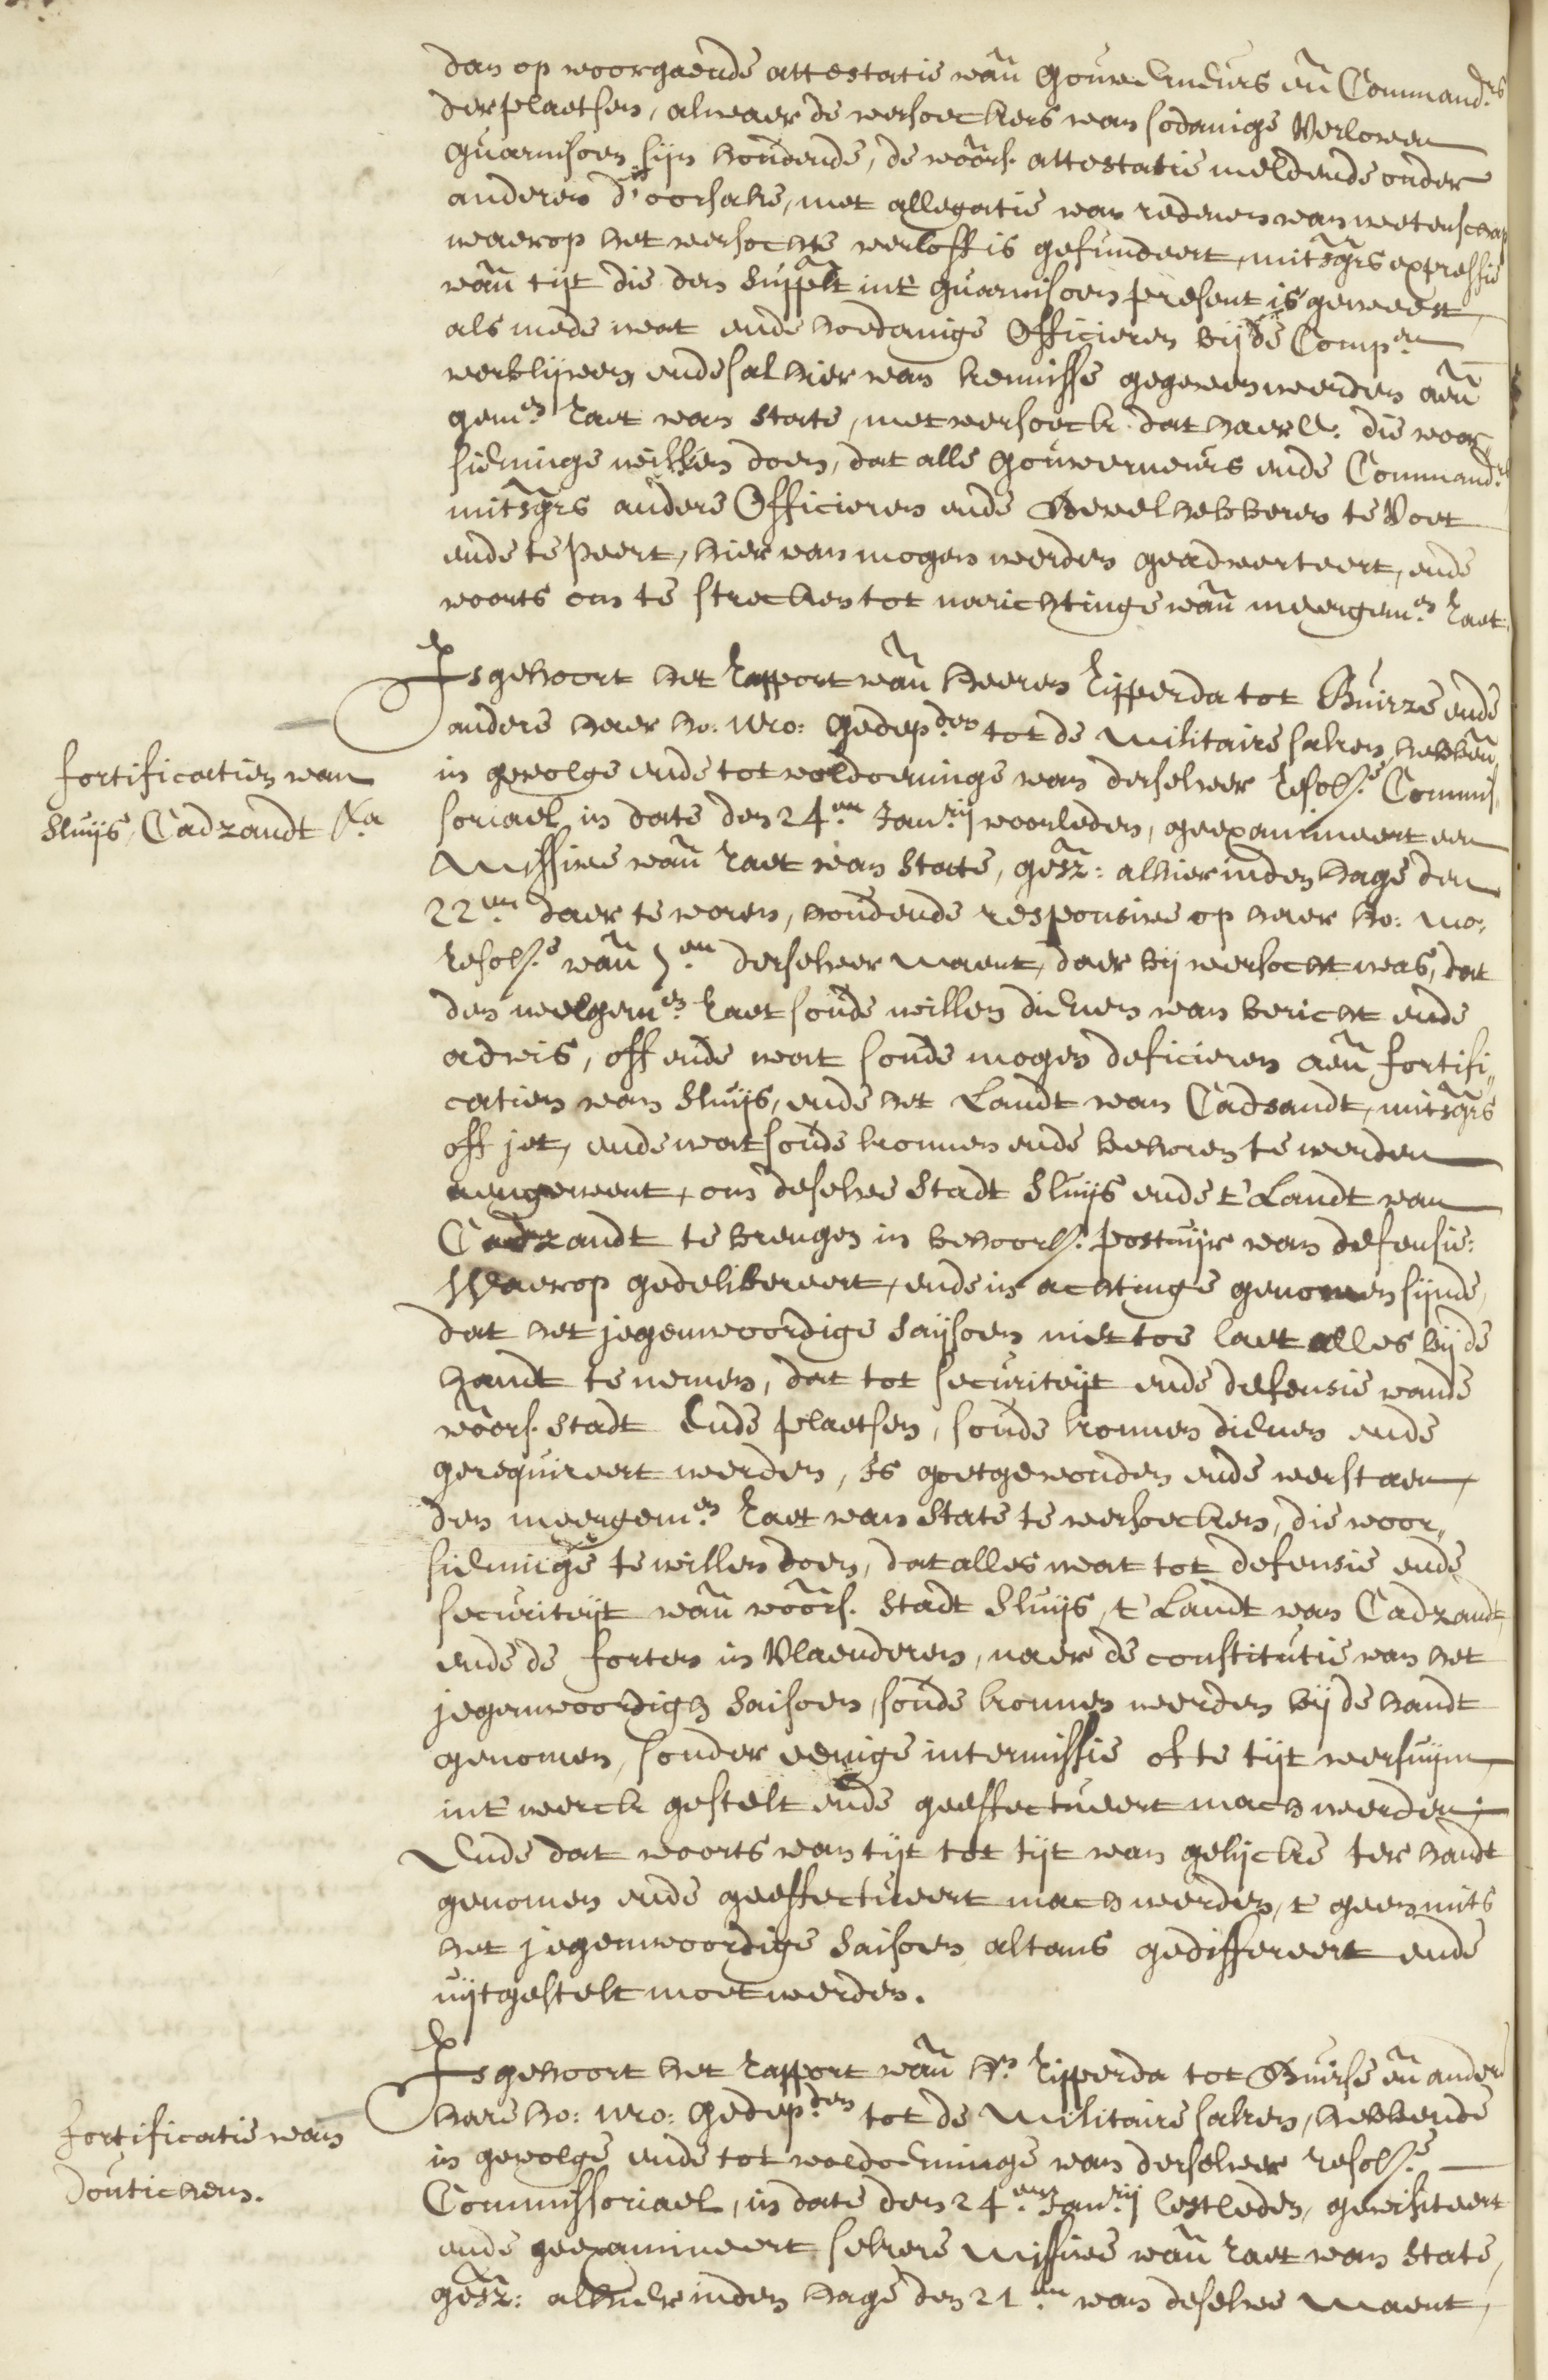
dan op voorgaende attestatie van Gouverneurs en Commandrs.
der plaetsen, alwaer de versoeckers van sodanige Verloven
Guarnisoen sijn houdende, de voors. attestatie meldende onder
anderen d'oorsake, met allegatie van redenen van wetenschap
waerop het versochte verloff is gefundeert, mitsgrs expressie
van tijt die den Supplt int' Guarnisoen present is geweest
als mede wat ende hoedanige Officieren bij de Compen.
verblijven ende sal hier van kennisse gegeven werden aen
gemen. Raet van State, met versoeck dat haer E. die voor„
sieninge willen doen, dat alle Gouverneurs ende Commandrs.
mitsgrs andere Officieren ende Bevelhebberen te Voet
ende te Peert, hier van mogen werden geadverteert, ende
voorts om te strecken tot narichtinge van meergemen. Raet.
fortificatien van
Sluijs, Cadzandt @
Is gehoort het Rapport van Heeren Ripperda tot Buirze ende
andere haer Ho:Mo: Gedepden. tot de Militaire saken hebben
in gevolge ende tot voldoeninge van derselver Resole. Commis„
soriael in date den 24en. Janrij. voorleden, geexamineert een
Missive van Raet van State, gesr: alhier inden Hage den
22en. daer te voren, houdende responsive op haer Ho:Mo:
Resole. van 7en. derselver maent, daer bij versocht was, dat
den welgemen. Raet soude willen dienen van bericht ende
advis, off ende wat soude mogen deficieren aen fortifi„
catien van Sluijs, ende het Landt van Cadsandt, mitsgrs
off iet, ende wat soude konnen ende behoren te werden
aengewent, om deselve Stadt Sluijs ende t' Landt van
Cadzandt te brengen in behoorl. postuijr van defensie:
Waerop gedelibereert, ende in achtinge genomen sijnde,
dat het jegenwoordige Saijsoen niet toe laet alles bij de
handt te nemen, dat tot securiteijt ende defensie vande
voors. stadt ende plaetsen, soude konnen dienen ende
gerequireert werden, Is goetgevonden ende verstaen,
den meergemen. Raet van State te versoecken, die voor„
sieninge te willen doen, dat alles wat tot defensie ende
securiteijt van voors. Stadt Sluijs, t' Landt van Cadzandt
ende de forten in Vlaenderen, naer de constitutie van het
jegenwoordigh Saisoen, soude konnen werden bij de handt
genomen, sonder eenige intermissie ofte tijt versuijm
int' werck gestelt ende geeffectueert mach werden.
Ende dat voorts van tijt tot tijt van gelijcke ter handt
genomen ende geeffectueert mach werden, t' geen mits
het jegenwoordige Saisoen altans gediffereert ende
uijtgestelt moet werden.
fortificatie van
Doutichem.
Is gehoort het rapport van Hn. Ripperda tot Buirse en andere
hare Ho:Mo: Gedepden. tot de Militaire saken, hebbende
in gevolge ende tot voldoeninge van derselver resole. —
Commissoriael, in date den 24en. Janrij. lestleden, gevisiteert
ende geexamineert sekere missive van Raet van State,
gesr. alhier inden Hage den 21en. van deselve maent,
